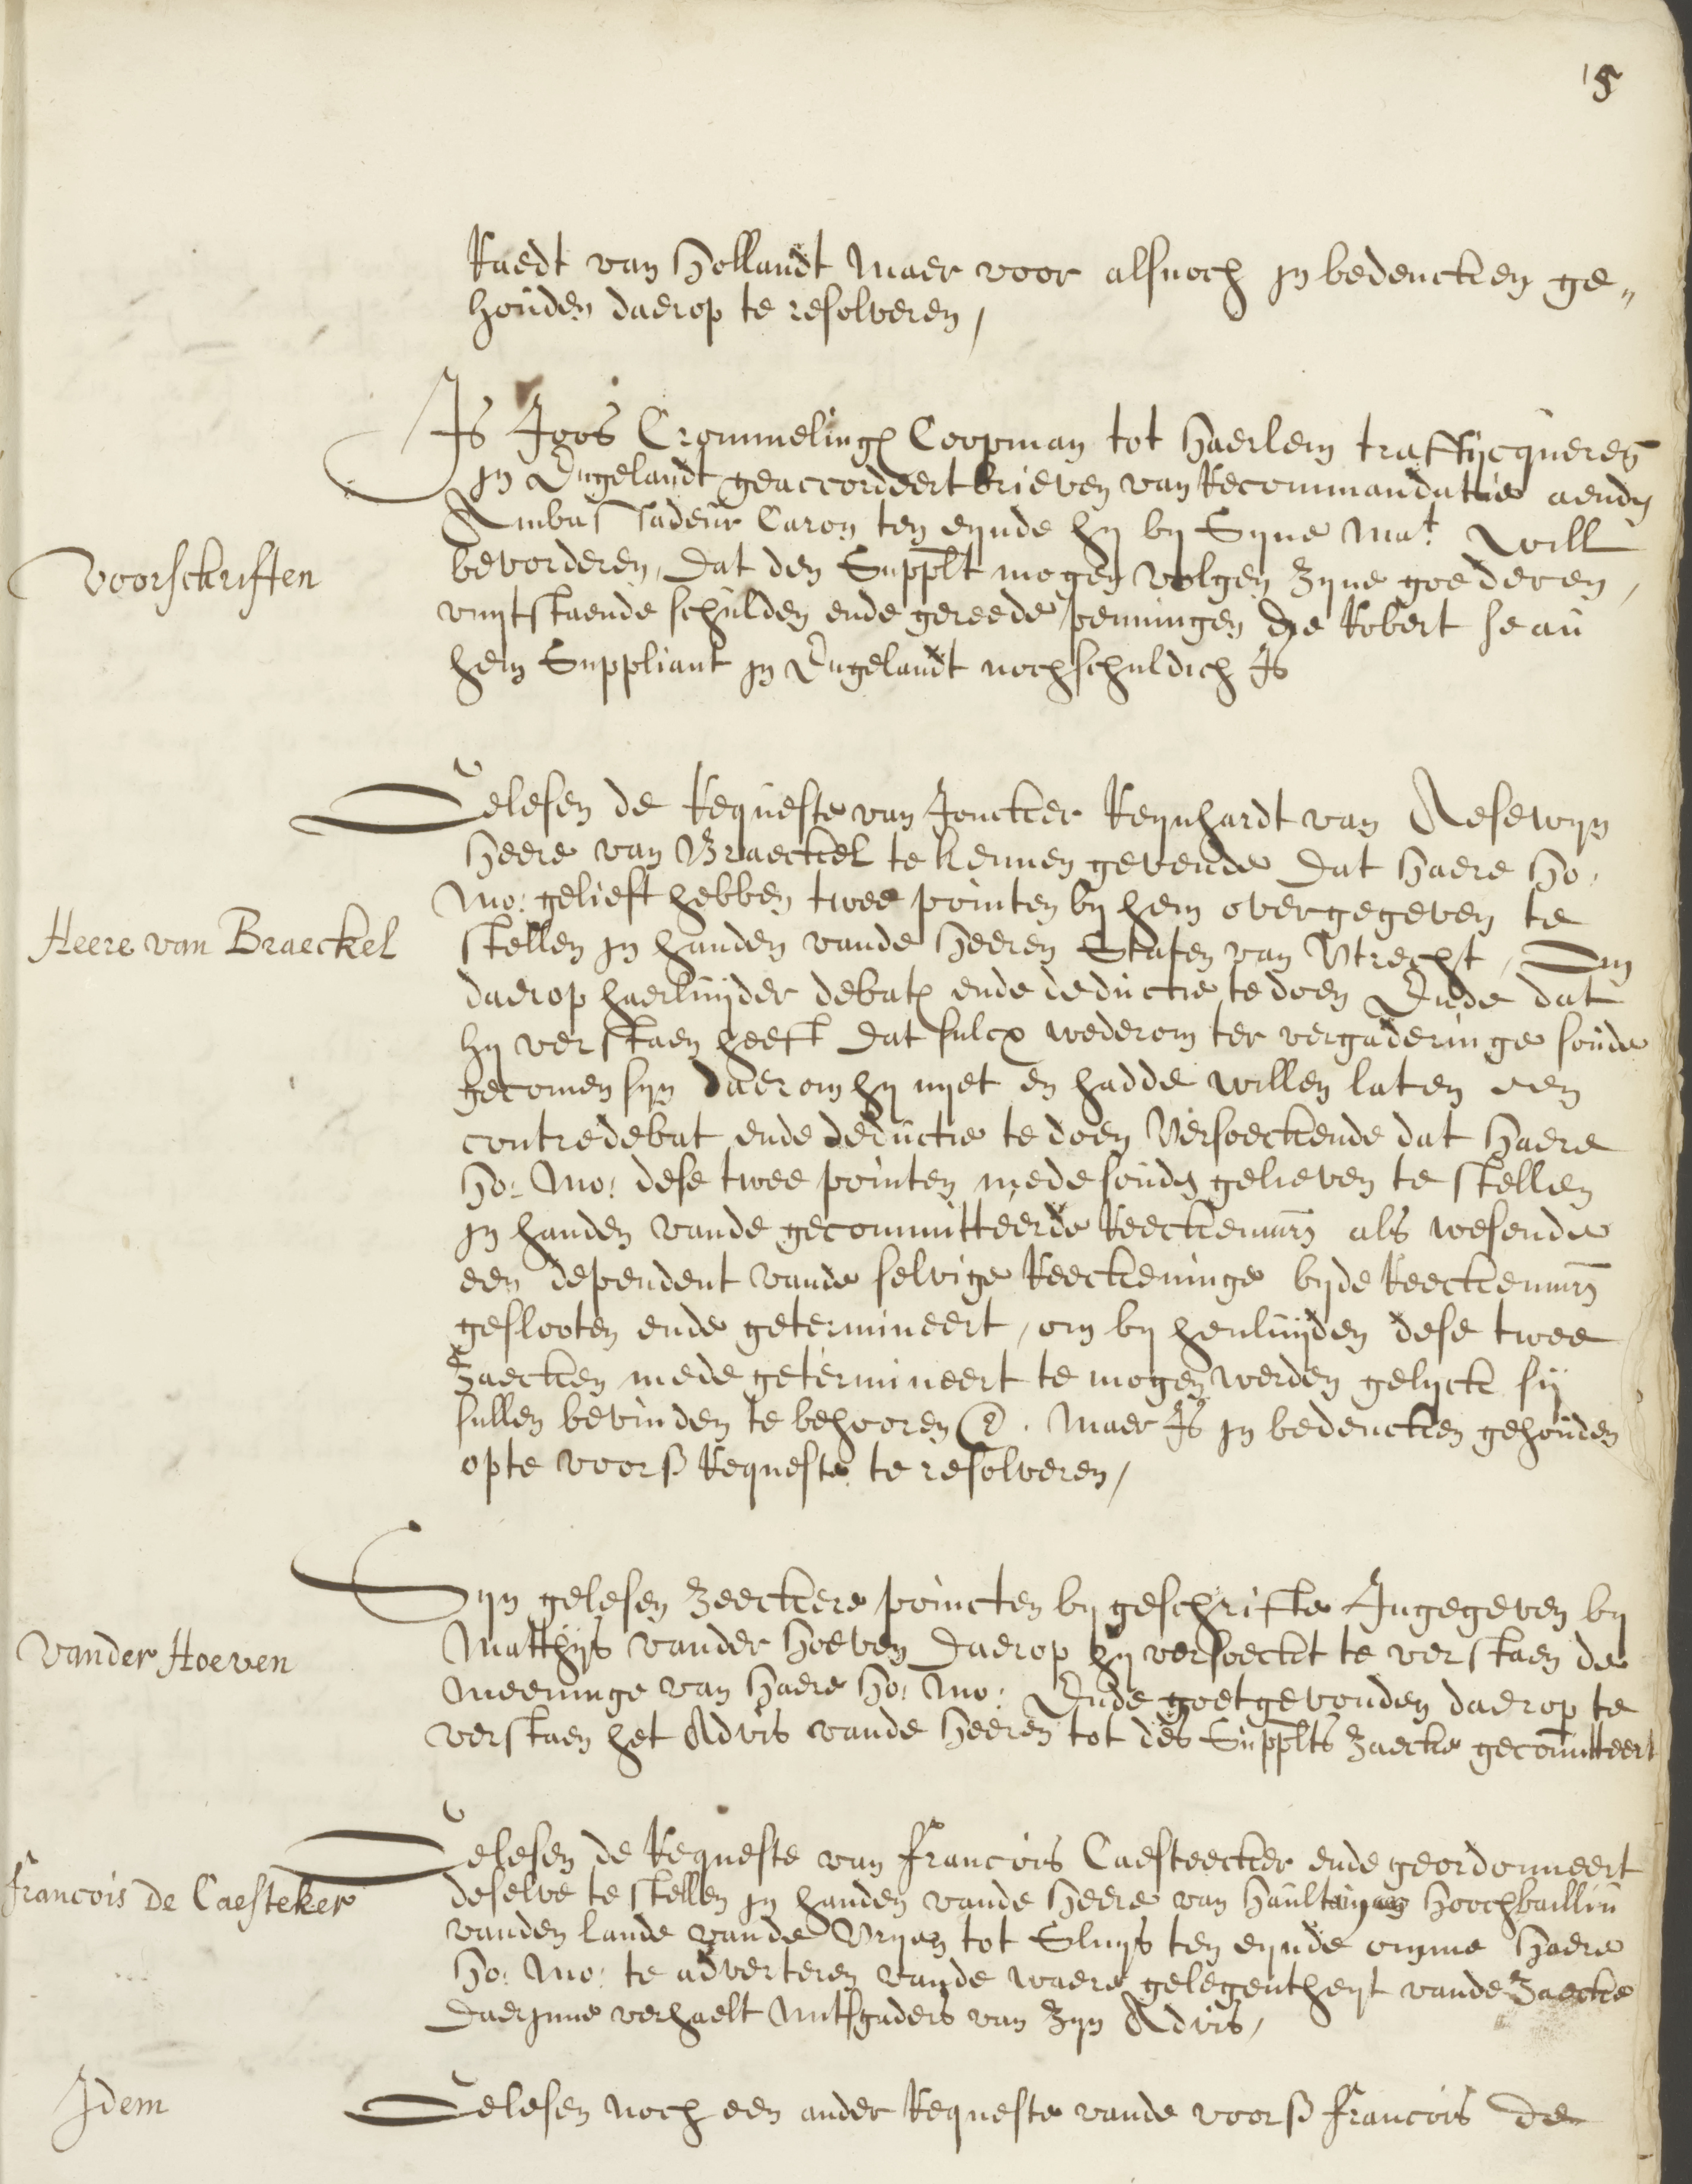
15
Raedt van Hollandt maer voor alsnoch in bedencken ge„
houden daerop te resolveren.
voorschriften
Is Joos Crommelingh Coopman tot Haerlem traffijcqueren
in Engelandt geaccordeert brieven van Recommandatie aenden
Ambassadeur Caron ten eynde hy by Syne Mat. will
bevorderen, dat den Supplt mogen volgen zyne goederen,
vuytstaende schulden ende gereede penningen die Robert Seau
hem Suppliant in Engelandt noch schuldich Is
Heere van Braeckel
Gelesen de Requeste van Joncker Reynhardt van Aesewyn
Heere van Braeckel te kennen gevende dat Haere Ho:
Mo: gelieft hebben twee pointen by hem overgegeven te
stellen in handen vande Heeren Staten van Utrecht, Om
daerop haerluijder debath ende deductie te doen Ende dat
hy verstaen heeft dat sulcx wederom ter vergaderinge soude
gecomen syn daerom hy nyet en hadde willen laten een
contredebat ende deductie te doen Versoeckende dat Haere
Ho:Mo: dese twee pointen mede souden gelieven te stellen,
in handen vande gecommitteerde Reeckenmrs als wesende
een dependent vande selvige Reeckeninge byde Reeckenmrs
geslooten ende getermineert, om by henluijden dese twee
zaecken mede getermineert te mogen werden gelyck sij
sullen bevinden te behooren @. Maer Is in bedencken gehouden
opte voors Requeste te resolveren.
Vander Hoeven
Syn gelesen zeeckere poincten by geschrifte Ingegeven by
Matthijs vander Hoeven daerop hy versoeckt te verstaen de
meeninge van Haere Ho:Mo: Ende goetgevonden daerop te
verstaen het Advis vande Heeren tot des Supplts zaecke gecomitteert
Francois de Caesteker
Gelesen de Requeste van Francois Caesteecker ende geordonneert
deselve te stellen in handen vande Heere van Haultainxx Hoochbailliu
vanden lande vande Vryen tot Sluys ten eynde omme Haere
Ho:Mo: te adverteren vande waere gelegentheyt vande Zaecke
daerinne verhaelt mitsgaders van Zyn Advis.
Idem
Gelesen noch een ander Requeste vande voors Francois de
